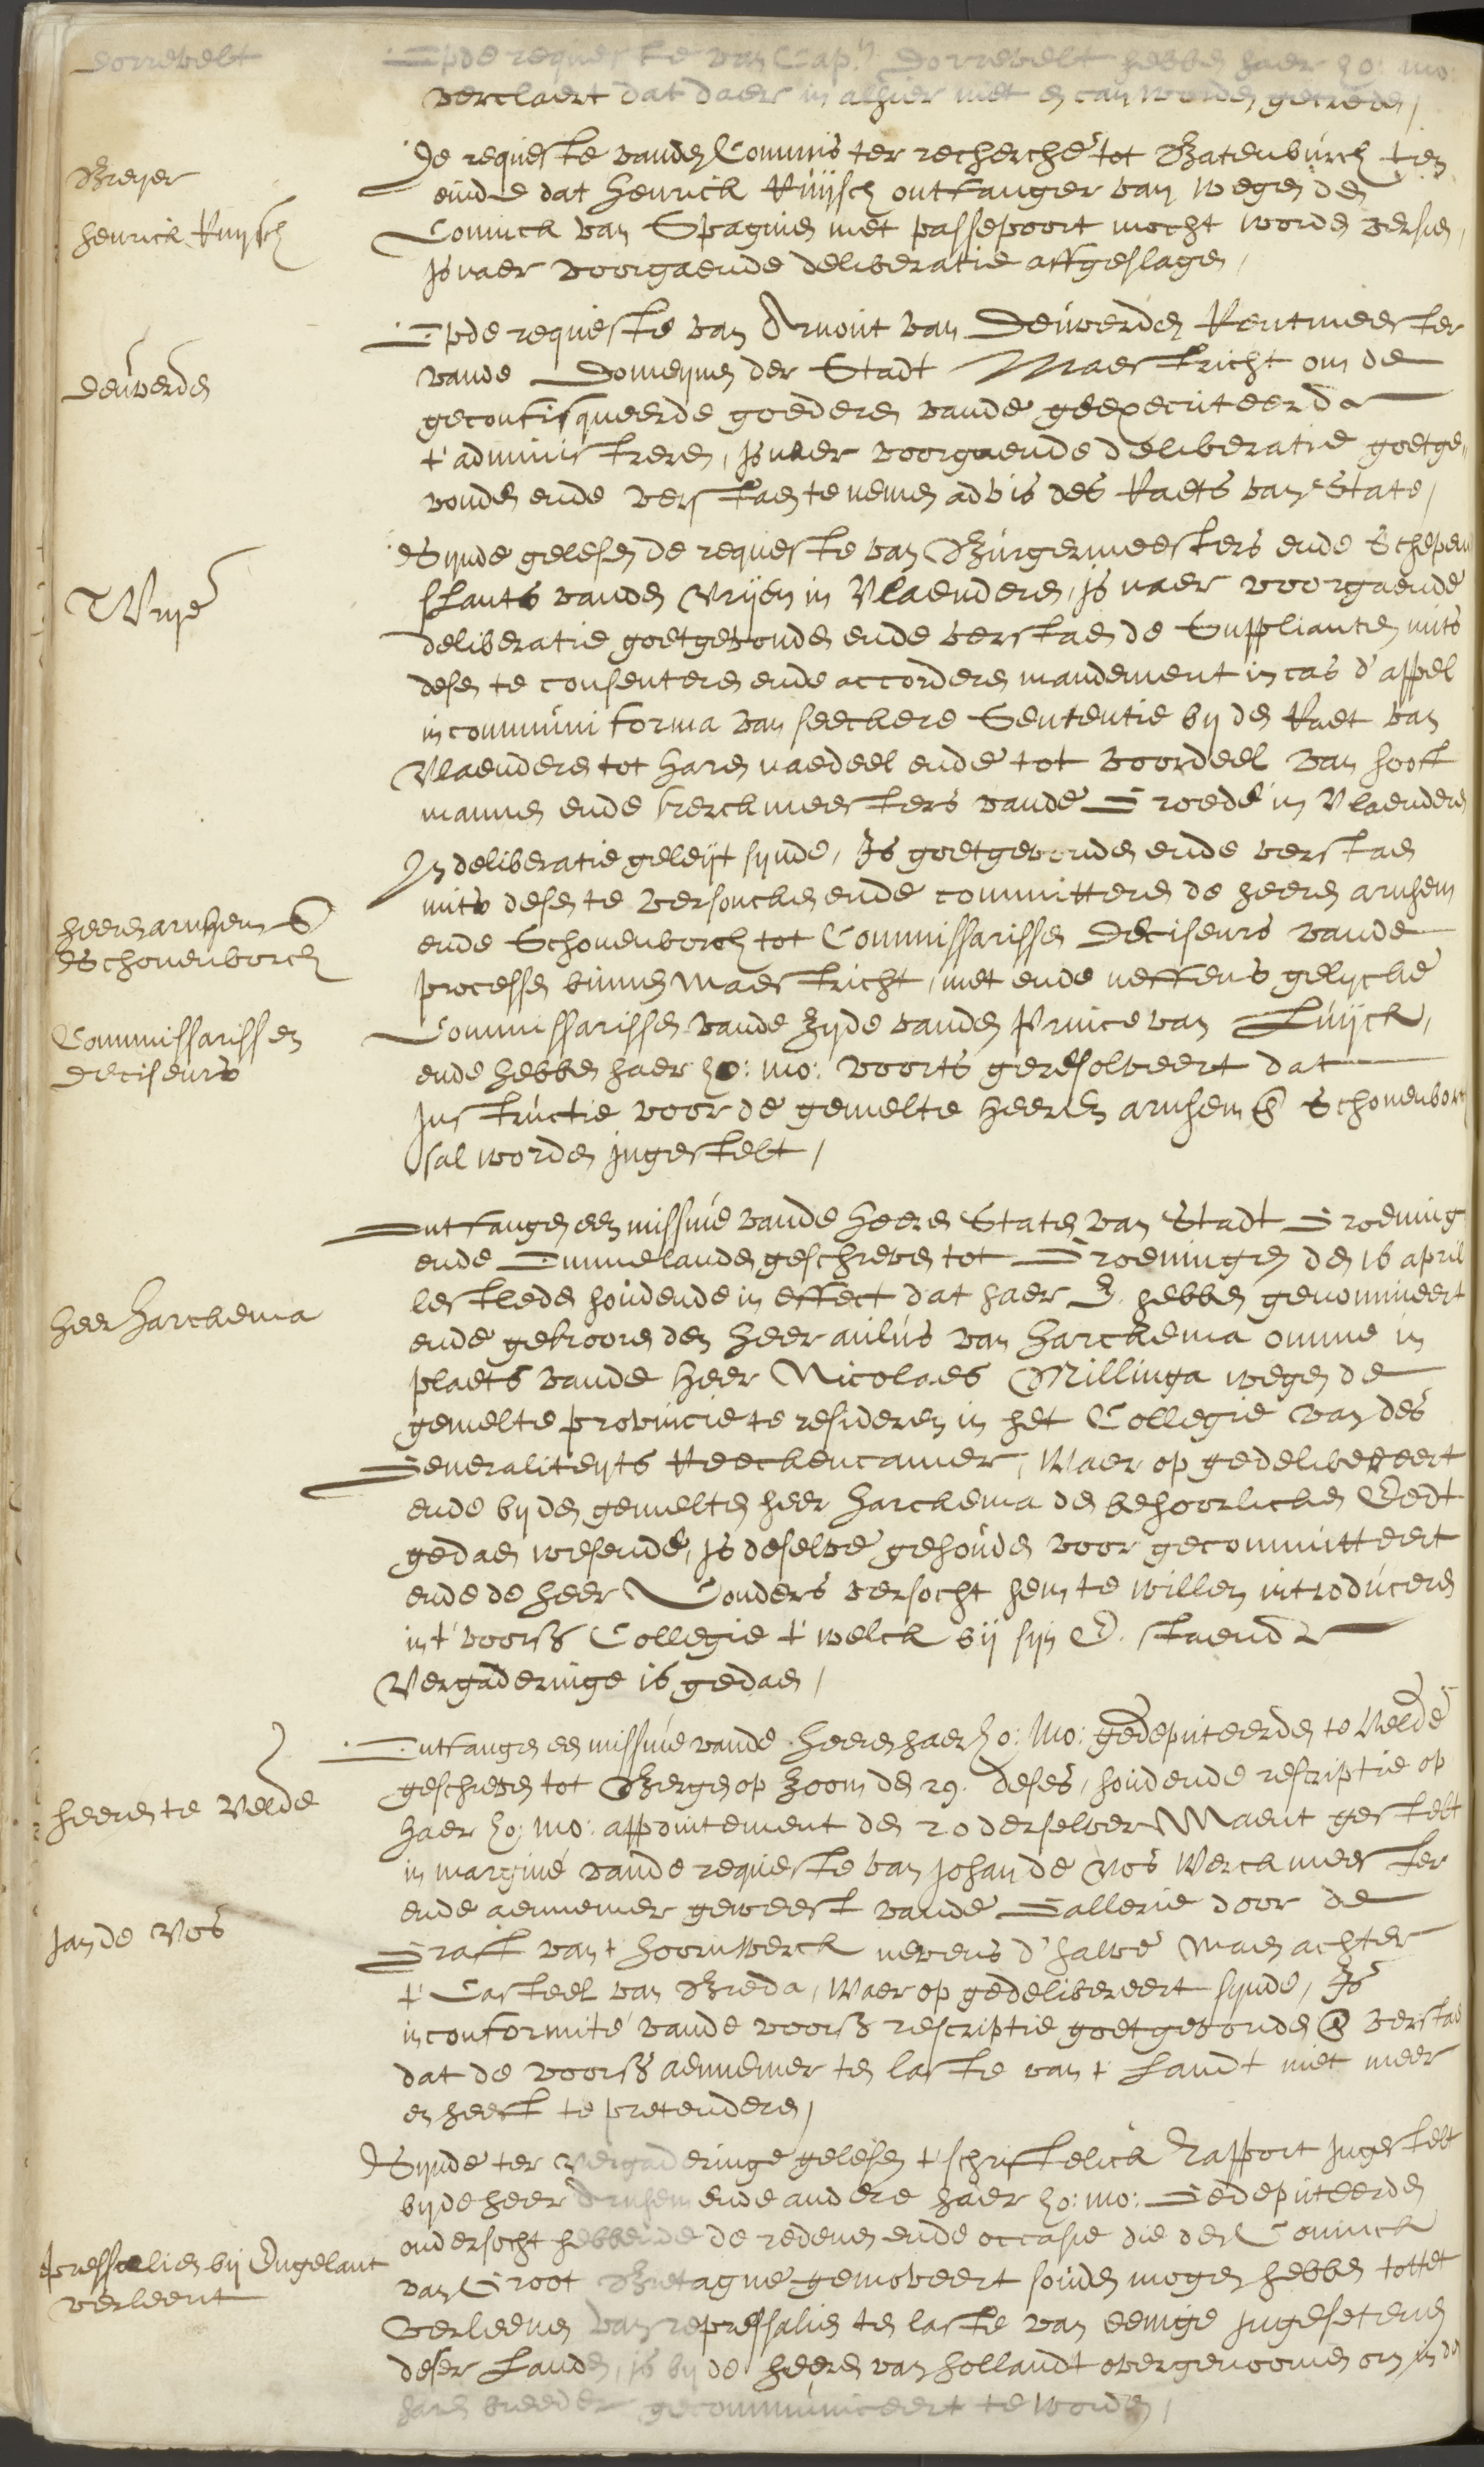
Dorrevelt,
Opde requeste van Capn. Dorrevelt hebben haer ho:mo:
verclaert dat daer in alhier niet en can worden getreden.
Breyer
henrick Ruysch
De requeste vanden Commis ter recherche tot Batenburch ten
einde dat Henrick Ruijsch ontfanger van wegen den
coninck van Spagnien met passepoort mocht worden versien,
Is naer voorgaende deliberatie affgeslagen.
Deuverden
Opde requeste van Arnout van Deuverden Rentmeester,
vande Domeynen der Stadt Maestricht om de
geconfisqueerde goederen vande geexecuteerde
t' administreren, Is naer voorgaende deliberatie goetge„
vonden ende verstaen te nemen advis des Raets van State.
TVrije
Sijnde gelesen de requeste van Burgermeesters ende Schepen
sLants vanden Vrijen in Vlaenderen, is naer voorgaende
deliberatie goetgevonden ende verstaen de Supplianten mits
desen te consenteren ende accorderen mandement in cas d'appel
in communi forma van seeckere Sententie by den Raet van
Vlaenderen tot haren naedeel ende tot voordeel van hooft
mannen ende kerckmeesters vande Groede in Vlaenderen.
heeren arnhem &
Schonenborch
Commissarissen
Deciseurs
In deliberatie geleijt synde, Is goetgevonden ende verstaen
mits desen te versoucken ende committeren de heeren arnhem
ende Schonenborch tot Commissarissen Deciseurs vande
processen binnen Maestricht, met ende neffens gelycke
Commissarissen vande zyde vanden Prince van Luijck,
ende hebben haer ho:mo: voorts geresolveert dat
Instructie voor de gemelte heeren arnhem & Schonenborch
sal worden ingestelt.
heer Harckema
Ontfangen een missiue vande heeren Staten van Stadt Groening
ende Ommelanden geschreven tot Groeningen den 16 april
lestleden houdende in effect dat haer E. hebben genomineert
ende gekooren den heer aulus van Harckema omme in
plaets vande heer Nicolaes Millinga wegen de
gemelte provincie te resideren in het Collegie van des
Generaliteyts Reeckencamer, Waer op gedelibereert
ende by den gemelten heer Harckema den behoorlicken Eedt
gedaen wesende, Is deselve gehouden voor gecommitteert
ende de heer Conders versocht hem te willen introduceren
int' voors Collegie t'welck bij syn E. staende
Vergaderinge is gedaen.
heeren te Velde
Jan de Vos.
Ontfangen een missiue vande heeren haer ho:Mo: gedeputeerden te Velde
geschreven tot Bergen op Zoom den 29. deses, houdende rescriptie op
haer ho:mo: appointement den 20 derselver Maent gestelt
in margine vande requeste van Johan de Vos Werckmeester
ende aennemer geweest vande Gallerie door de
Graft vant' hoornwerck nevens d' halve maen achter
t' Casteel van Breda, Waer op gedelibereert synde, Is
in conformité vande voors rescriptie goetgevonden & verstaen
dat de voors aennemer ten laste van t' Landt niet meer
en heeft te pretenderen.
repressalien bij Engelant
verleent
Synde ter vergaderinge gelesen t'schriftelick rapport Ingestelt
byde heer Arnhem ende andere haer ho:mo: Gedeputeerden
ondersocht hebbende de redenen ende occasie die den Coninck
van Groot Bretagne gemoveert souden mogen hebben tottet
verleenen van repressalien ten laste van eenige ingesetenen
deser Landen, is by de heeren van hollandt overgenoomen om in de
haren breeder gecommuniceert te worden.
